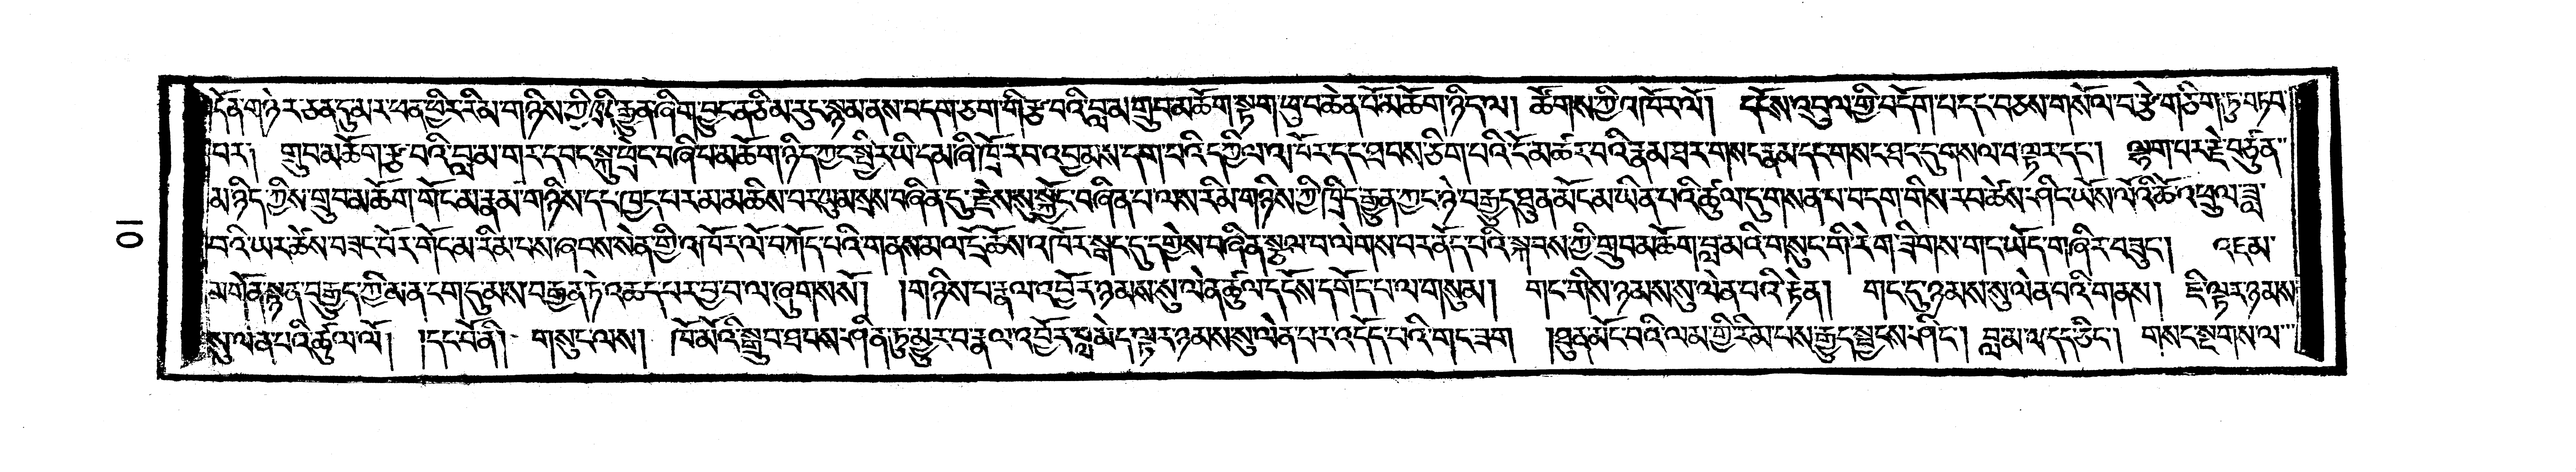དོན་གཉེར་ཅན་དུ་མར་ཕན་ཕྱིར་རིམ་གཉིས་ཀྱི་ཁྲིད་རྒྱུན་ཞིག་བྱུང་ན་ཅི་མ་རུང་སྙམ་ནས་བདག་ཅག་གི་རྩ་བའི་བླ་མ་གྲུབ་མཆོག་སྟག་ཕུ་བ་ཆེན་པོ་མཆོག་ཉིད་ལ། ཚོགས་ཀྱི་འཁོར་ལོ། དངོས་འབུལ་གྱི་བདོག་པ་དང་བཅས་གསོལ་བརྩེ་གཅིག་ཏུ་བཏབ་
པར༑ གྲུབ་མཆོག་རྩ་བའི་བླ་མ་གར་དབང་སྐུ་ཕྲེང་བཞི་པ་མཆོག་ཉིད་ཀྱང་སྤྱིར་ཡི་དམ་ཞི་ཁྲོ་རབ་འབྱམས་དག་པའི་དཀྱིལ་འཁོར་དང་ཐབས་ཅིག་པའི་ངོ་མཚར་བའི་རྣམ་ཐར་གསང་རྣམ་དང་གསང་ཐང་དུ་གསལ་བ་ལྟར་དང་། ལྷག་པར་རྗེ་བཙུན་
མ་ཉིད་ཀྱིས་གྲུབ་མཆོག་གོང་མ་རྣམ་གཉིས་དང་ཁྱད་པར་མ་མཆིས་པར་ཡུམ་སྲས་བཞིན་དུ་རྗེས་སུ་སྐྱོང་བཞིན་པ་ལས་རིམ་གཉིས་ཀྱི་ཁྲིད་རྒྱུན་ཡང་ཉེ་བརྒྱུད་ཐུན་མོང་མ་ཡིན་པའི་ཚུལ་དུ་གསན་པ་བདག་གིས་རབ་ཆོས་ཤིང་ཡོས་ལོའི་ཆོ་འཕྲུལ་ཟླ་
པའི་ཡར་ཚེས་བཟང་པོར་གོང་མ་རིམ་པས་ཞབས་སེན་གྱི་འཁོར་ལོ་བཀོད་པའི་གནས་མལ་དྲོ་ཆོས་འཁོར་སྒང་དུ་དགྱེས་བཞིན་སྩལ་བ་ལེགས་པར་ནོས་པའི་སྐབས་ཀྱི་གྲུབ་མཆོག་བླ་མའི་གསུང་གི་རེག་ཟིག་གང་ཡོད་གཞིར་བཟུང་། འཇམ་
མགོན་སྙན་བརྒྱུད་ཀྱི་མན་ངག་དུ་མས་བརྒྱན་ཏེ་འཆད་པར་བྱ་བ་ལ་ཞུགས་སོ། །གཉིས་པ་རྣལ་འབྱོར་ཉམས་སུ་ལེན་ཚུལ་དངོས་དགོད་པ་ལ་གསུམ། གང་གིས་ཉམས་སུ་ལེན་པའི་རྟེན། གང་དུ་ཉམས་སུ་ལེན་པའི་གནས། ཇི་ལྟར་ཉམས་
སུ་ལེན་པའི་ཚུལ་ལོ། །དང་པོ་ནི། གསུང་ལས། ཁོ་མོའི་སྒྲུབ་ཐབས་ཤིན་ཏུ་མྱུར་བ་རྣལ་འབྱོར་བླ་མེད་ལྟར་ཉམས་སུ་ལེན་པར་འདོད་པའི་གང་ཟག །ཐུན་མོང་བའི་ལམ་གྱི་རིམ་པས་རྒྱུད་སྦྱངས་ཤིང་། བླ་མ་ལ་དད་ཅིང་། གསང་སྔགས་ལ་